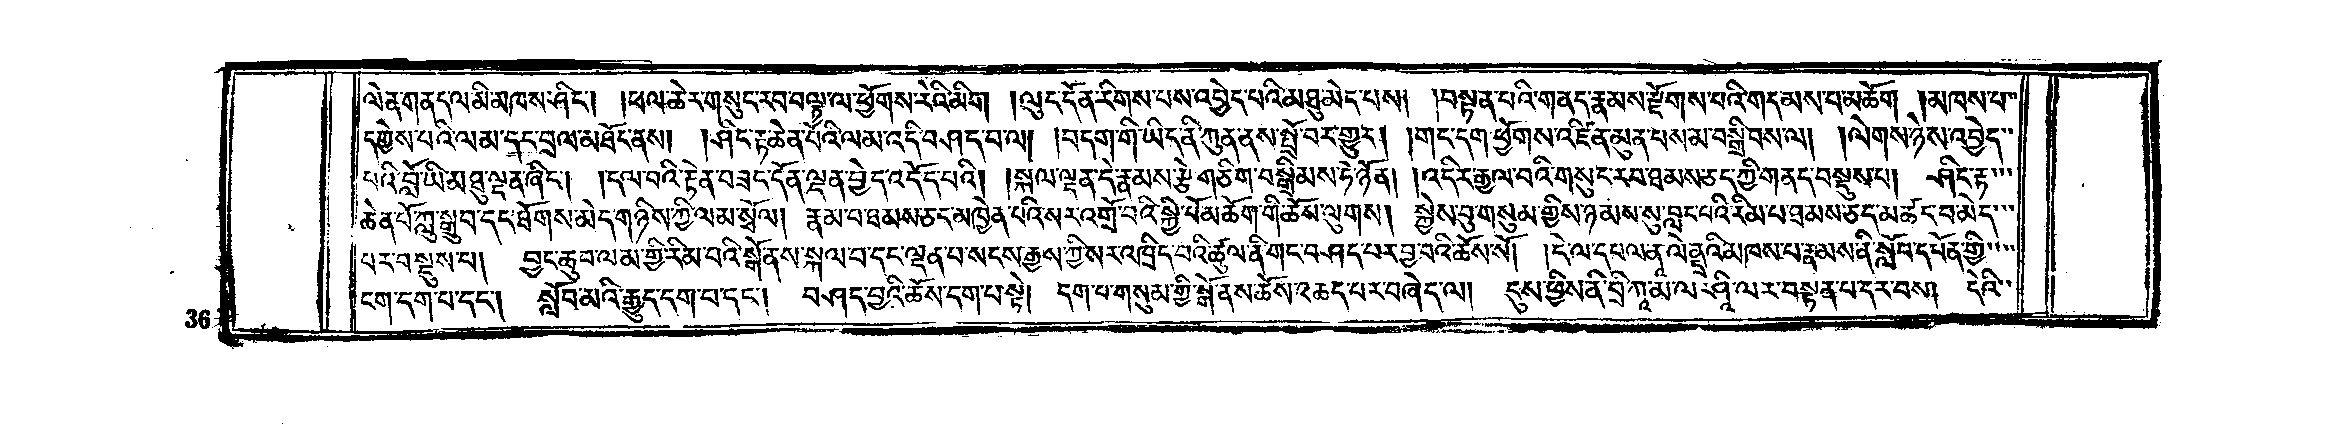ལེན་གནད་ལ་མི་མཁས་ཤིང་། །ཕལ་ཆེར་གསུང་རབ་བལྟ་ལ་ཕྱོགས་རེའི་མིག །ལུང་དོན་རིགས་པས་འབྱེད་པའི་མཐུ་མེད་པས། །བསྟན་པའི་གནད་རྣམས་རྫོགས་པའི་གདམས་པ་མཆོག །མཁས་པ་
དགྱེས་པའི་ལམ་དང་བྲལ་མཐོང་ནས། །ཤིང་རྟ་ཆེན་པོའི་ལམ་འདི་བཤད་པ་ལ། །བདག་གི་ཡིད་ནི་ཀུན་ནས་སྤྲོ་བར་གྱུར། །གང་དག་ཕྱོགས་འཛིན་མུན་པས་མ་བསྒྲིབས་ལ། །ལེགས་ཉེས་འབྱེད་
པའི་བློ་ཡི་མཐུ་ལྡན་ཞིང་། །དལ་བའི་རྟེན་བཟང་དོན་ལྡན་བྱེད་འདོད་པའི། །སྐལ་ལྡན་དེ་རྣམས་རྩེ་གཅིག་བསྒྲིམས་ཏེ་ཉོན། །འདིར་རྒྱལ་བའི་གསུང་རབ་ཐམས་ཅད་ཀྱི་གནད་བསྡུས་པ། ཤིང་རྟ་
ཆེན་པོ་ཀླུ་སྒྲུབ་དང་ཐོགས་མེད་གཉིས་ཀྱི་ལམ་སྲོལ། རྣམ་པ་ཐམས་ཅད་མཁྱེན་པའི་སར་འགྲོ་བའི་སྐྱེ་བོ་མཆོག་གི་ཆོས་ལུགས། སྐྱེས་བུ་གསུམ་གྱིས་ཉམས་སུ་བླང་བའི་རིམ་པ་ཐམས་ཅད་མ་ཚང་བ་མེད་
པར་བསྡུས་པ། བྱང་ཆུབ་ལམ་གྱི་རིམ་པའི་སྒོ་ནས་སྐལ་བ་དང་ལྡན་པ་སངས་རྒྱས་ཀྱི་སར་འཁྲིད་པའི་ཚུལ་ནི་གང་བཤད་པར་བྱ་བའི་ཆོས་སོ། །དེ་ལ་དཔལ་ནཱ་ལེནྡྲའི་མཁས་པ་རྣམས་ནི་སློབ་དཔོན་གྱི་
ངག་དག་པ་དང་། སློབ་མའི་རྒྱུད་དག་པ་དང་། བཤད་བྱའི་ཆོས་དག་པ་སྟེ། དག་པ་གསུམ་གྱི་སྒོ་ནས་ཆོས་འཆད་པར་བཞེད་ལ། དུས་ཕྱིས་ནི་པྲི་ཀཱ་མ་ལ་ཤཱི་ལར་བསྟན་པ་དར་བས། དེའི་